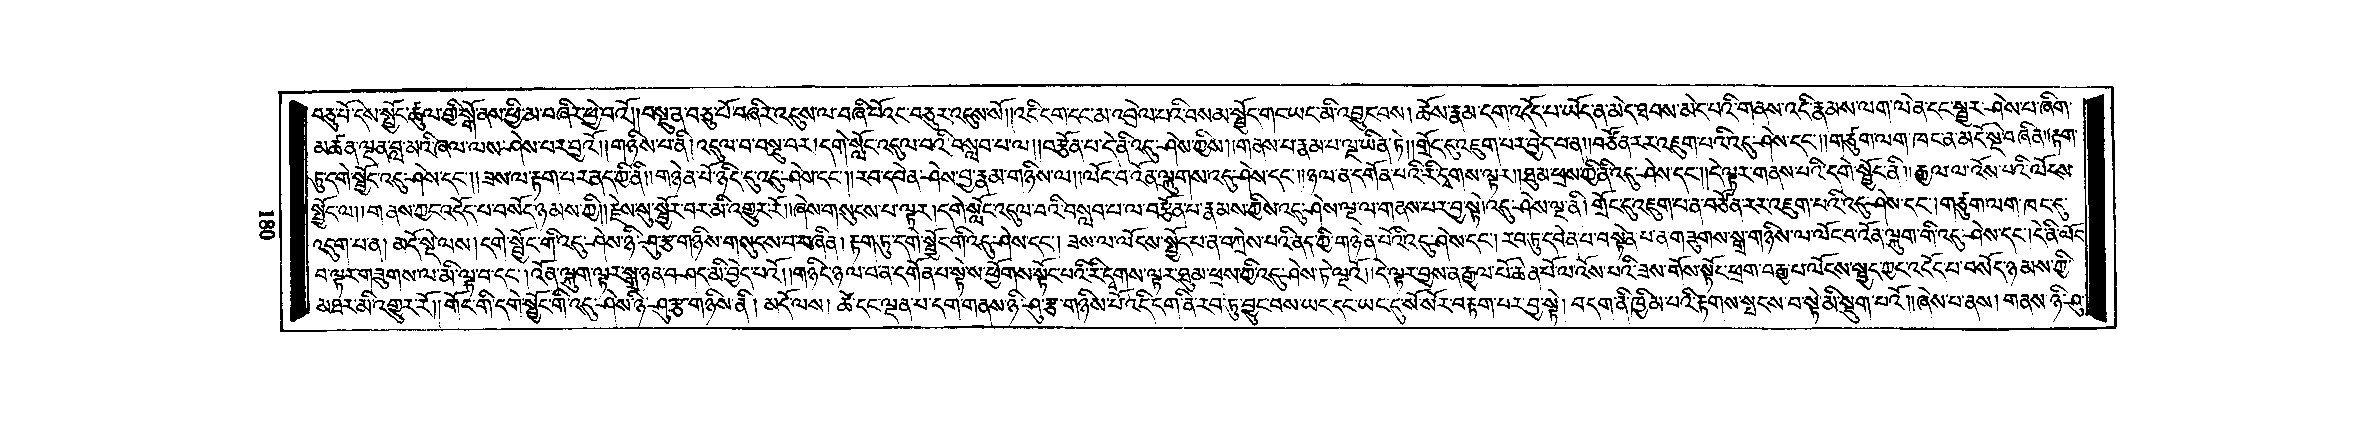བཅུ་པོ་དེས་སྤྱོང་ཚུལ་གྱི་སྒོ་ནས་ཕྱི་མ་བཞིར་ཕྱེ་བའོ། །བསྡུ་ན་བཅུ་པོ་བཞིར་འདུས་ལ་བཞི་པོའང་བཅུར་འདུས་སོ། །འདི་དག་དང་མ་འབྲེལ་པའི་བསམ་སྤྱོད་གང་ཡང་མི་འབྱུང་བས། ཆོས་རྣམ་དག་འདོད་པ་ཡོད་ན་མེད་ཐབས་མེད་པའི་གནས་འདི་རྣམས་ལག་ལེན་དང་སྦྱར་ཤེས་པ་ཞིག་
མཚན་ལྡན་བླ་མའི་ཞལ་ལས་ཤེས་པར་བྱའོ། །གཉིས་པ་ནི། འདུལ་བ་བསྡུ་བར། དགེ་སློང་འདུལ་བའི་བསླབ་པ་ལ། །བརྩོན་པ་དེ་ནི་འདུ་ཤེས་ཀྱིས། །གནས་པ་རྣམ་པ་ལྔ་ཡིན་ཏེ། །གྲོང་དུ་འཇུག་པར་བྱེད་པ་ན། །བརྩོན་རར་འཇུག་པའི་འདུ་ཤེས་དང་། །གཙུག་ལག་ཁང་ན་མདོ་སྡེ་བཞིན། །རྟག་
ཏུ་དགེ་སྦྱོང་འདུ་ཤེས་དང་། །ཟས་ལ་རྟག་པར་ནད་ཀྱི་ནི། །གཉེན་པོ་ཉིད་དུ་འདུ་ཤེས་དང་། །རབ་དབེན་ཤེས་བྱ་རྣམ་གཉིས་ལ། །ལོང་བ་འོན་ལྐུགས་འདུ་ཤེས་དང་། །ཉལ་ན་དགོན་པའི་རི་དྭགས་ལྟར། །ཐུམ་ཕྲས་ཀྱི་ནི་འདུ་ཤེས་དང་། །དེ་ལྟར་གནས་པའི་དགེ་སྦྱོང་ནི། །རྒྱལ་ལ་འོས་པའི་ལོངས་
སྤྱོད་ལ། །གནས་ཀྱང་འདོད་པ་བསོད་ཉམས་ཀྱི། །རྗེས་སུ་སྦྱོར་བར་མི་འགྱུར་རོ། །ཞེས་གསུངས་པ་ལྟར། དགེ་སློང་འདུལ་བའི་བསླབ་པ་ལ་བརྩོན་པ་རྣམས་ཀྱིས་འདུ་ཤེས་ལྔ་ལ་གནས་པར་བྱ་སྟེ། འདུ་ཤེས་ལྔ་ནི། གྲོང་དུ་འཇུག་པ་ན་བརྩོན་རར་འཇུག་པའི་འདུ་ཤེས་དང་། གཙུག་ལག་ཁང་དུ་
འདུག་པ་ན། མདོ་སྡེ་ལས། དགེ་སྦྱོང་གི་འདུ་ཤེས་ཉི་ཤུ་རྩ་གཉིས་གསུངས་བ་བཞིན། རྟག་ཏུ་དགེ་སྦྱོང་གི་འདུ་ཤེས་དང་། ཟས་ལ་ལོངས་སྤྱོད་པ་ན་བཀྲེས་པའི་ནད་ཀྱི་གཉེན་པོའི་འདུ་ཤེས་དང་། རབ་ཏུ་དབེན་པ་བསྟེན་པ་ན་གཟུགས་སྒྲ་གཉིས་ལ་ལོང་བ་འོན་ལྐུག་གི་འདུ་ཤེས་དང་། དེ་ནི་ལོང་
བ་ལྟར་གཟུགས་ལ་མི་ལྟ་བ་དང་། འོན་ལྐུག་ལྟར་སྒྲ་ཉན་བཤད་མི་བྱེད་པའོ། །གཉིད་ཉལ་བ་ན་དགོན་པ་སྟེ་ས་ཕྱོགས་སྟོང་པའི་རི་དྭགས་ལྟར་ཐུམ་ཕྲས་ཀྱི་འདུ་ཤེས་ཏེ་ལྔའོ། །དེ་ལྟར་བྱས་ན་རྒྱལ་པོ་ཆེན་པོ་ལ་འོས་པའི་ཟས་གོས་སྟོང་ཕྲག་བརྒྱ་པ་ལོངས་སྤྱད་ཀྱང་འདོད་པ་བསོད་ཉམས་ཀྱི་
མཐར་མི་འགྱུར་རོ། །གོང་གི་དགེ་སྦྱོང་གི་འདུ་ཤེས་ཉི་ཤུ་རྩ་གཉིས་ནི། མདོ་ལས། ཚེ་དང་ལྡན་པ་དག་གནས་ཉི་ཤུ་རྩ་གཉིས་པོ་འདི་དག་ནི་རབ་ཏུ་བྱུང་བས་ཡང་དང་ཡང་དུ་སོ་སོར་བརྟག་པར་བྱ་སྟེ། བདག་ནི་ཁྱིམ་པའི་རྟགས་སྤངས་བ་སྟེ་མི་སྡུག་པའོ། །ཞེས་པ་ནས། གནས་ཉི་ཤུ་